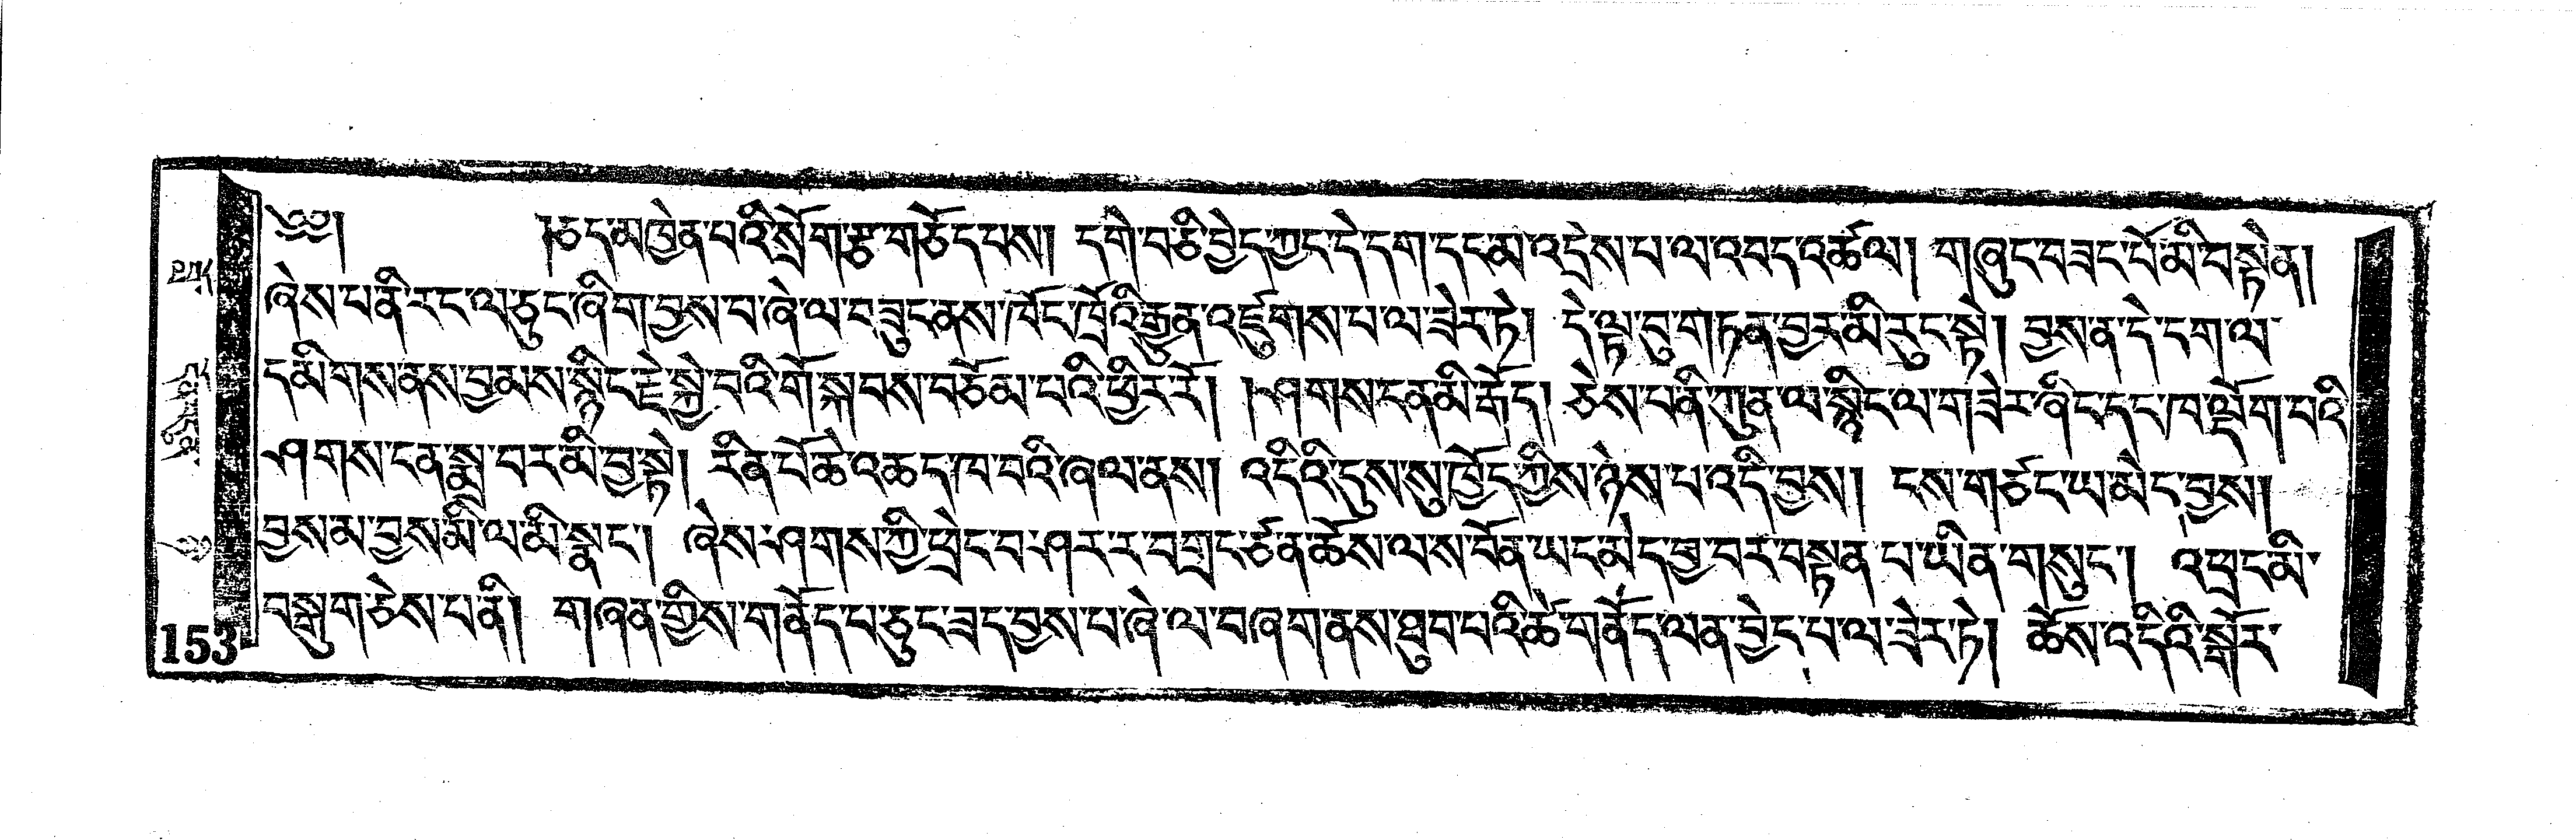༄༅། །ཅད་མཁྱེན་པའི་སྲོག་རྩ་གཅོད་པས། དགེ་བ་ཅི་བྱེད་ཀྱང་དེ་དག་དང་མ་འདྲེས་པ་ལ་འབད་འཚལ། གཞུང་བཟང་པོ་མི་བསྟེན།
ཞེས་པ་ནི་རང་ལ་ཅུང་ཞིག་བྱས་པ་ཞེ་ལ་བཟུང་ནས་ཁོང་ཁྲོའི་རྒྱུན་འཛུགས་པ་ལ་ཟེར་ཏེ། དེ་ལྟ་བུ་གཏན་བྱར་མི་རུང་སྟེ། བྱས་ན་དེ་དག་ལ་
དམིགས་ནས་བྱམས་སྙིང་རྗེ་སྐྱེ་བའི་གོ་སྐབས་བཅོམ་པའི་ཕྱིར་རོ། །ཤགས་ངན་མི་རྒོད། ཅེས་པ་ནི་ཀུན་ལ་སྙིང་ལ་གཟེར་ཞིང་དང་ཁ་ལྡོག་པའི་
ཤགས་ངན་སྨྲ་བར་མི་བྱ་སྟེ། རིན་པོ་ཆེ་འཆད་ཁ་བའི་ཞལ་ནས། འདིའི་དུས་སུ་ཁྱོད་ཀྱིས་ཉེས་པ་འདི་བྱས། ངས་གཙང་ཡ་མེད་བྱས།
བྱས་མ་བྱས་མི་ལ་མི་སྣང་། ཞེས་ཤགས་ཀྱི་ཕྲེང་བ་ཤར་ར་བགྲང་ཙ་ན་ཆོས་ལ་ས་བོན་ཡང་མེད་བྱ་བར་བསྟན་པ་ཡིན་གསུང་། འཕྲང་མི་
བསྒུག་ཅེས་པ་ནི། གཞན་གྱིས་གནོད་པ་ཅུང་ཟད་བྱས་པ་ཞེ་ལ་བཞག་ནས་ཐུབ་པའི་ཚེ་གནོད་ལན་བྱེད་པ་ལ་ཟེར་ཏེ། ཆོས་འདིའི་སྒོར་